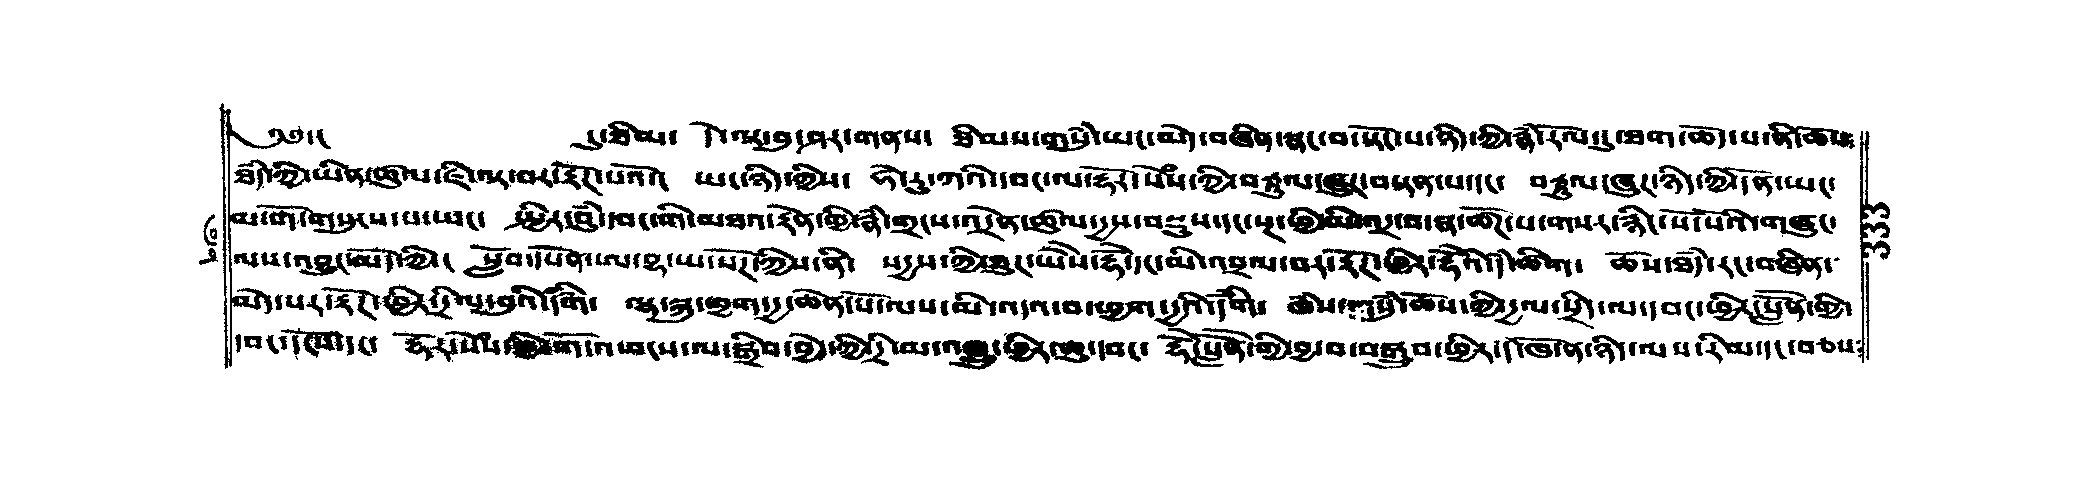དུ་ཐིམ། དེ་ལྟ་བུ་ཤར་གནས། ཐིམ་གསུམ་ཡང་མེད་བཞིན་སྣང་བ་སྟོང་པ་ཉིད་ཀྱི་རྣམ་རོལ་དུ་ཐག་ཆོད་པ་ནི་ཆོས་
ཐམས་ཅད་ཀྱི་ཡིན་ཚུལ་ཇི་ལྟ་བར་རྟོགས་པའོ། ཡང་ཉིད་ཀྱིས། ཧེ་རུ་ཀའི་དབང་ལ་རྡོར་སེམས་ཀྱི་བརྟུལ་ཞུགས་བསྟན་པ་དང་། བརྟུལ་ཞུགས་ཉིད་ཀྱི་དོན་ཡང་
མ་གོ་གསུངས་པ་ཡང་། སྤྱིར་བུམ་དབང་གི་མཐའ་རྟེན་གྱི་རྣམ་གྲངས་འདྲེན་ཚུལ་རྒྱས་བསྡུས་དང་སྔ་ཕྱི་མི་འདྲ་བ་སྣ་ཚོགས་པ་གསར་རྙིང་སོ་སོའི་གཞུང་
ལས་འབྱུང་མོད་ཀྱི། སློབ་དཔོན་ཨ་བྷ་ཡ་སོགས་ཀྱིས་ནི། སངས་རྒྱས་ཀྱི་ཐུགས་ཡེ་ཤེས་རྡོ་རྗེ་དང་མི་འབྲལ་བར་རྟོགས་ཕྱིར་རྡོ་རྗེའི་དམ་ཚིག ཆོས་ཐམས་ཅད་རང་བཞིན་
མེད་པར་རྟོགས་ཕྱིར་དྲིལ་བུའི་དམ་ཚིག ལྷ་སྐུ་ཕྱག་རྒྱ་ཆེན་པོ་ལས་མི་འདའ་བ་ཕྱག་རྒྱའི་དམ་ཚིག ཁམས་གསུམ་ཆོས་ཀྱི་རྒྱལ་སྲིད་ལ་དབང་ཕྱིར་སློབ་དཔོན་གྱི་
དབང་དངོས་དང་། རྡོར་སེམས་ཀྱི་གོ་འཕང་ལ་སྒྲིབ་བྱེད་ཀྱི་དྲི་མ་འཁྲུ་ཕྱིར་ཆུ་དབང་། རྡོ་རྗེ་སློབ་དཔོན་གྱི་བྱ་བ་བསྒྲུབ་ཕྱིར་དེ་ཁོ་ན་ཉིད་ལས་རིམ་དང་བཅས་